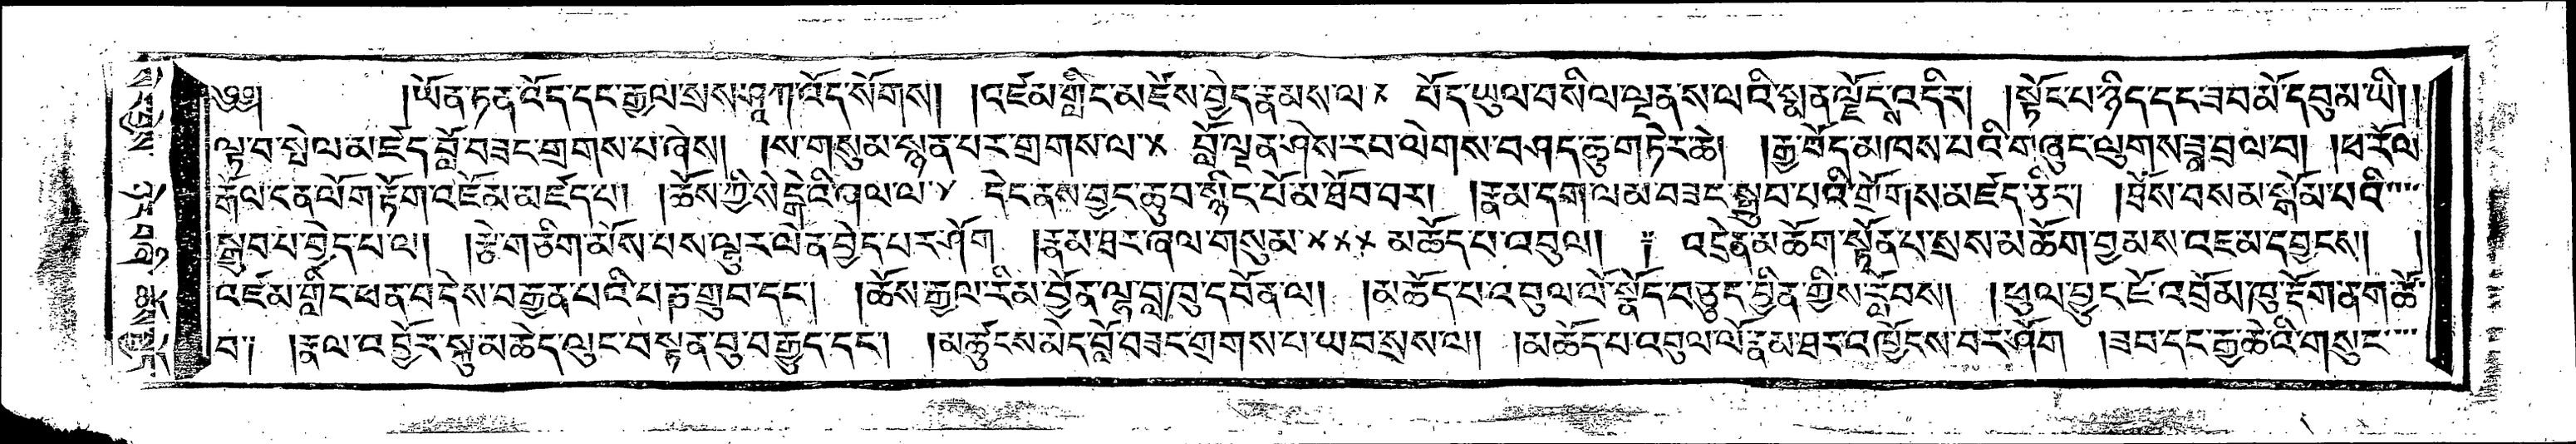༄༅། །ཡོན་ཏན་འོད་དང་རྒྱལ་སྲས་ཤཱཀ་འོད་སོགས། །འཛམ་གླིང་མཛེས་བྱེད་རྣམས་ལ་{྾}་བོད་ཡུལ་བསིལ་ལྡན་ས་ལའི་སྨན་ལྗོངས་འདིར། །སྟོང་པ་ཉིད་དང་ཟབ་མོ་དབུ་མ་ཡི། །
ལྟ་བ་སྤེལ་མཛད་བློ་བཟང་གྲགས་པ་ཞེས། །ས་གསུམ་སྙན་པར་གྲགས་ལ་{྾}་བློ་ལྡན་ཤེས་རབ་ལེགས་བཤད་ཆུ་གཏེར་ཆེ། །རྒྱ་བོད་མཁས་པའི་གཞུང་ལུགས་ཟླ་བྲལ་བ། །ཕལ་རོལ་
རྒོལ་ངན་ལོག་རྟོག་འཇོམ་མཛད་པ། །ཆོས་ཀྱི་སེངྒེའི་ཞལ་ལ་{྾}་དེང་ནས་བྱང་ཆུབ་སྙིང་པོ་མ་ཐོབ་བར། །རྣམ་དག་ལམ་བཟང་སྒྲུབ་པའི་གྲོགས་མཛད་ཅིང་། །ཐོས་བསམ་སྒོམ་པའི་
སྒྲུབ་པ་བྱེད་པ་ལ། །རྩེ་གཅིག་མོས་པས་ལྷུར་ལེན་བྱེད་པར་ཤོག །རྣམ་ཐར་ཞལ་གསུམ་{྾}་{྾}་{྾}་མཆོད་པ་འབུལ། ༈ འདྲེན་མཆོག་སྟོན་པ་སྲས་མཆོག་བྱམས་འཇམ་དབྱངས། །
འཛམ་གླིང་ཕན་བདེས་བརྒྱན་པའི་པཎ་གྲུབ་དང་། །ཆོས་རྒྱལ་རིམ་བྱོན་ལྷ་བླ་ཁུ་དབོན་ལ། །མཆོད་པ་འབུལ་ལོ་སྣོད་བཅུད་བྱིན་གྱིས་རློབས། །ཕུལ་བྱུང་ཇོ་འབྲོམ་ཁུ་རྡོག་ནག་ཚོ་
བ༑ །རྣལ་འབྱོར་སྐུ་མཆེད་ལུང་བསྟན་བུ་བརྒྱུད་དང་། །མཚུངས་མེད་བློ་བཟང་གྲགས་པ་ཡབ་སྲས་ལ། །མཆོད་པ་འབུལ་ལོ་རྣམ་ཐར་འཁྱོངས་བར་ཤོག །ཟབ་དང་རྒྱ་ཆེའི་གསུང་